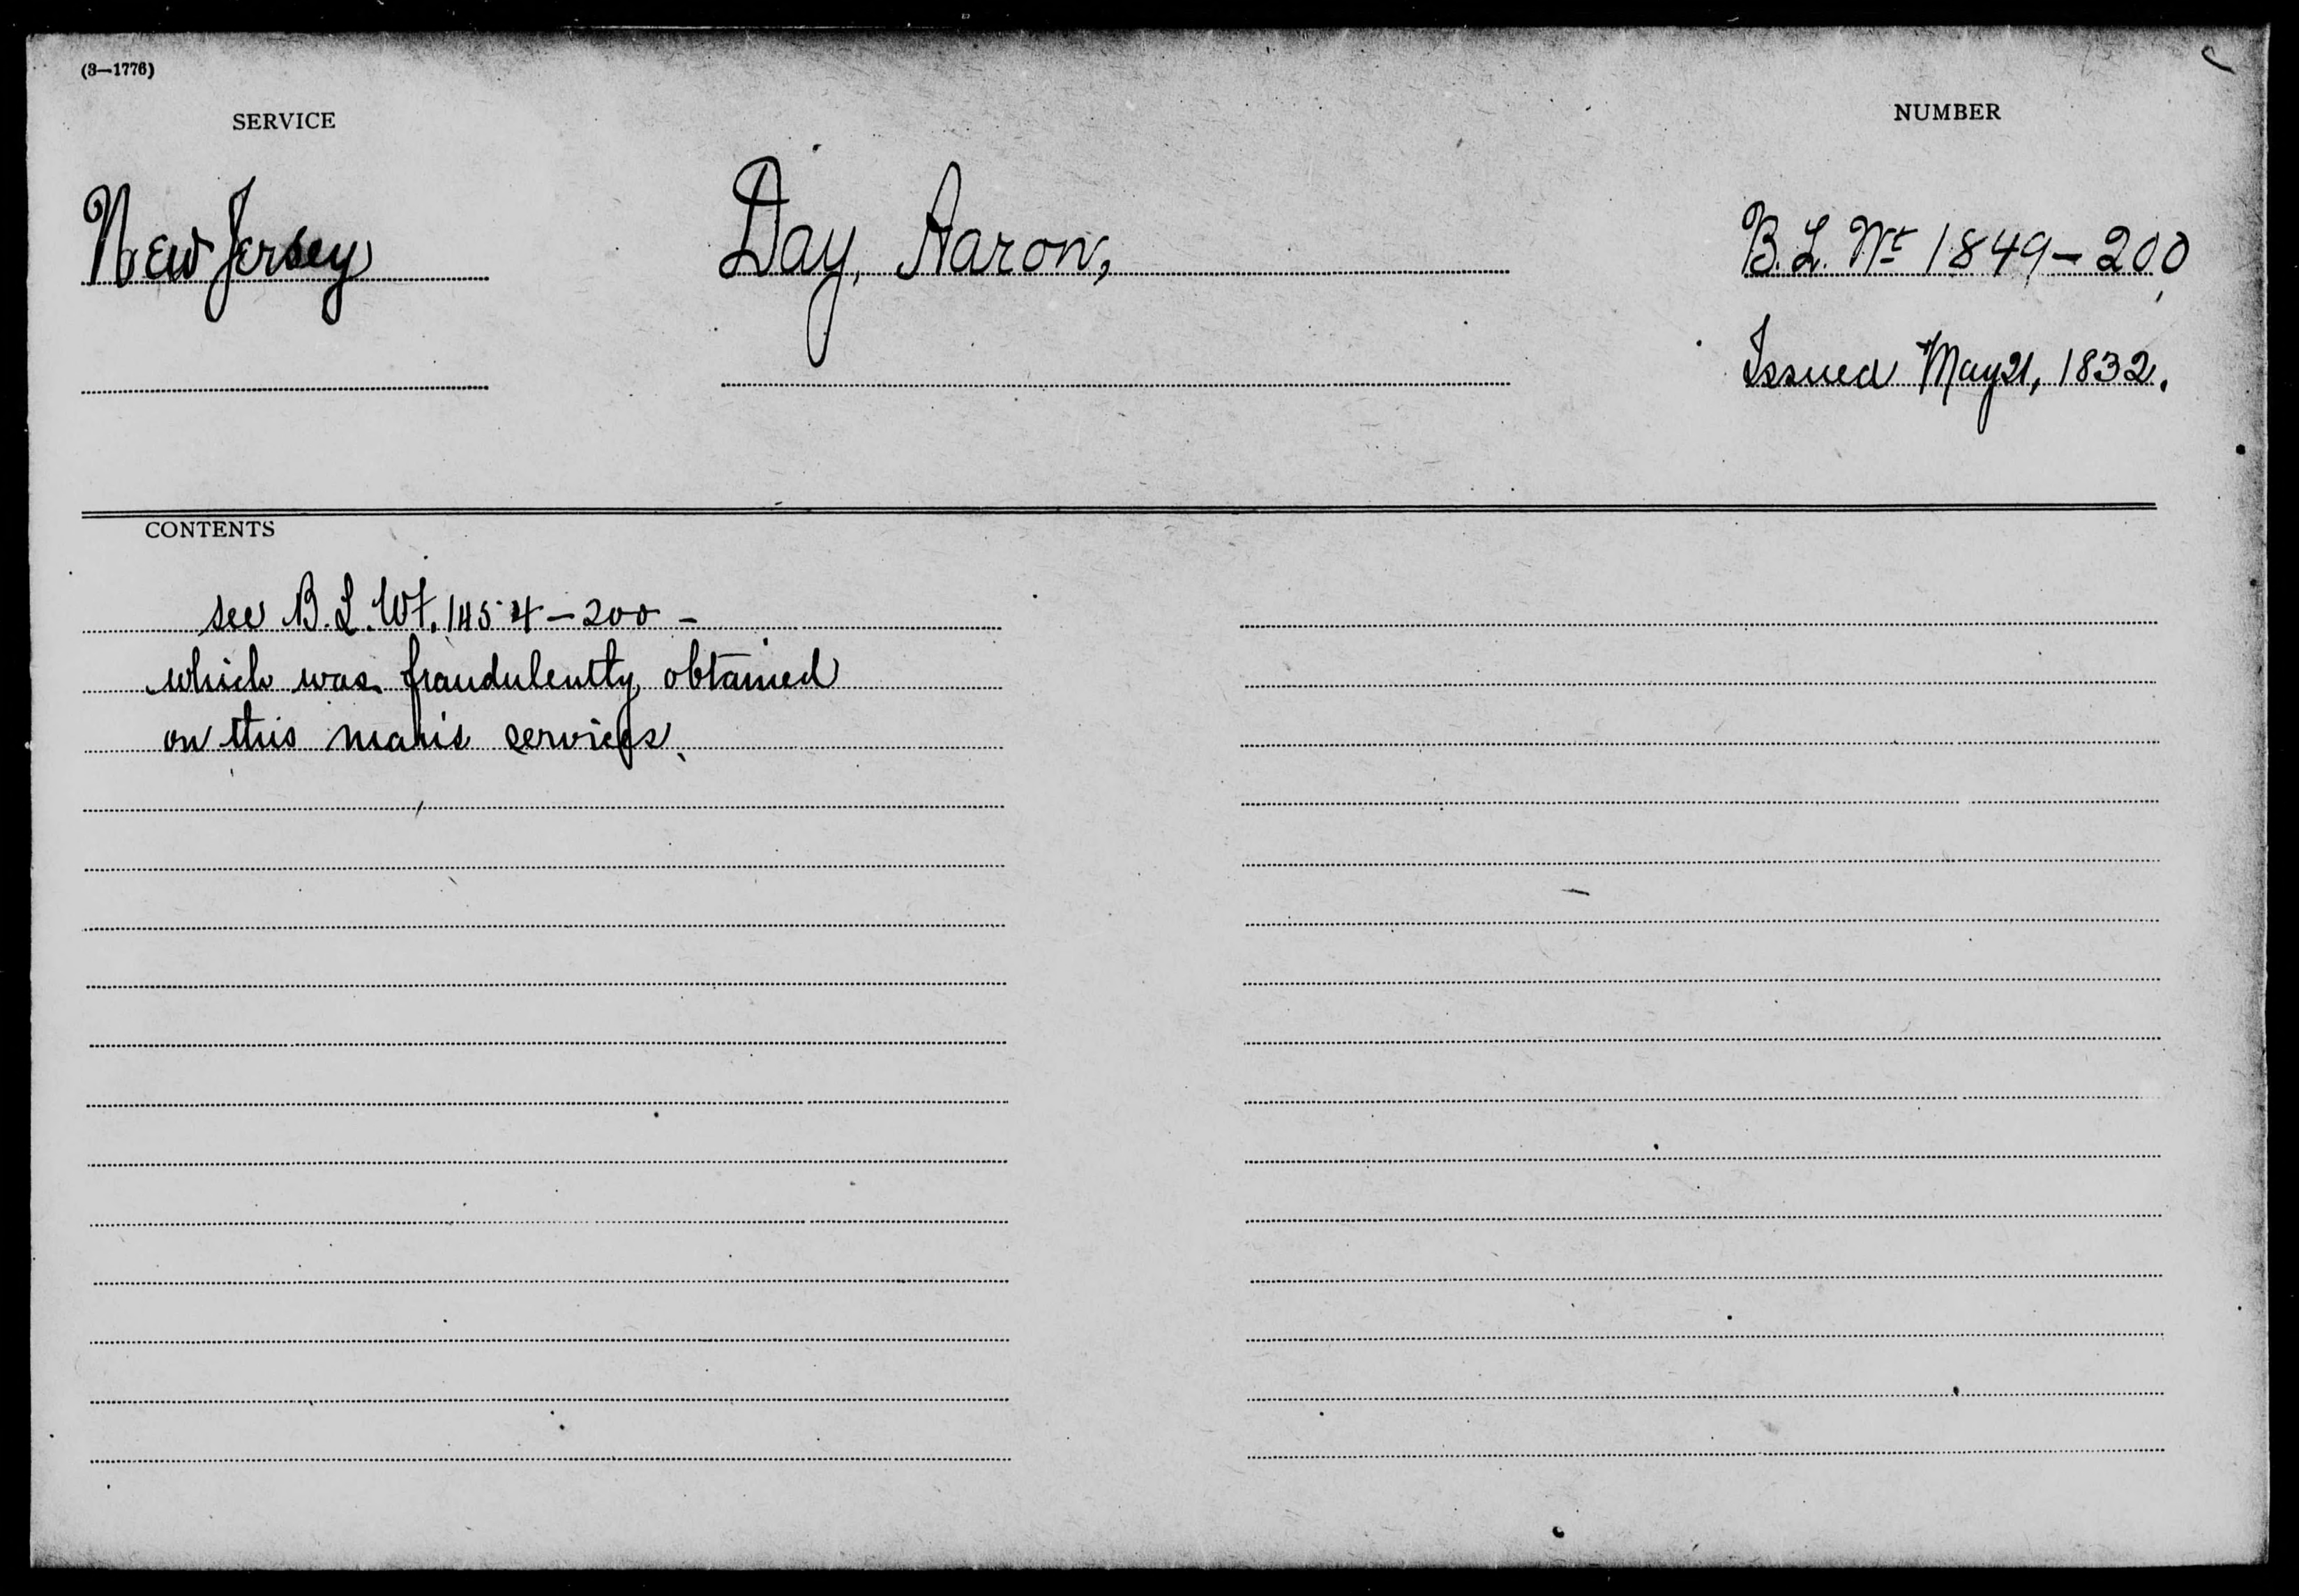(3-1776)

Service
New Jersey

Day, Aaron
Number
B.L.Wt 1849-200

Issued May 21, 1832.

CONTENTS
see B.L. Wt. 145-4-200- which was fraudulently obtained on this man's services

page: 1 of 15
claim: bounty land warrant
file: B. L. Wt. 1849-200, Aaron Day, New Jersey